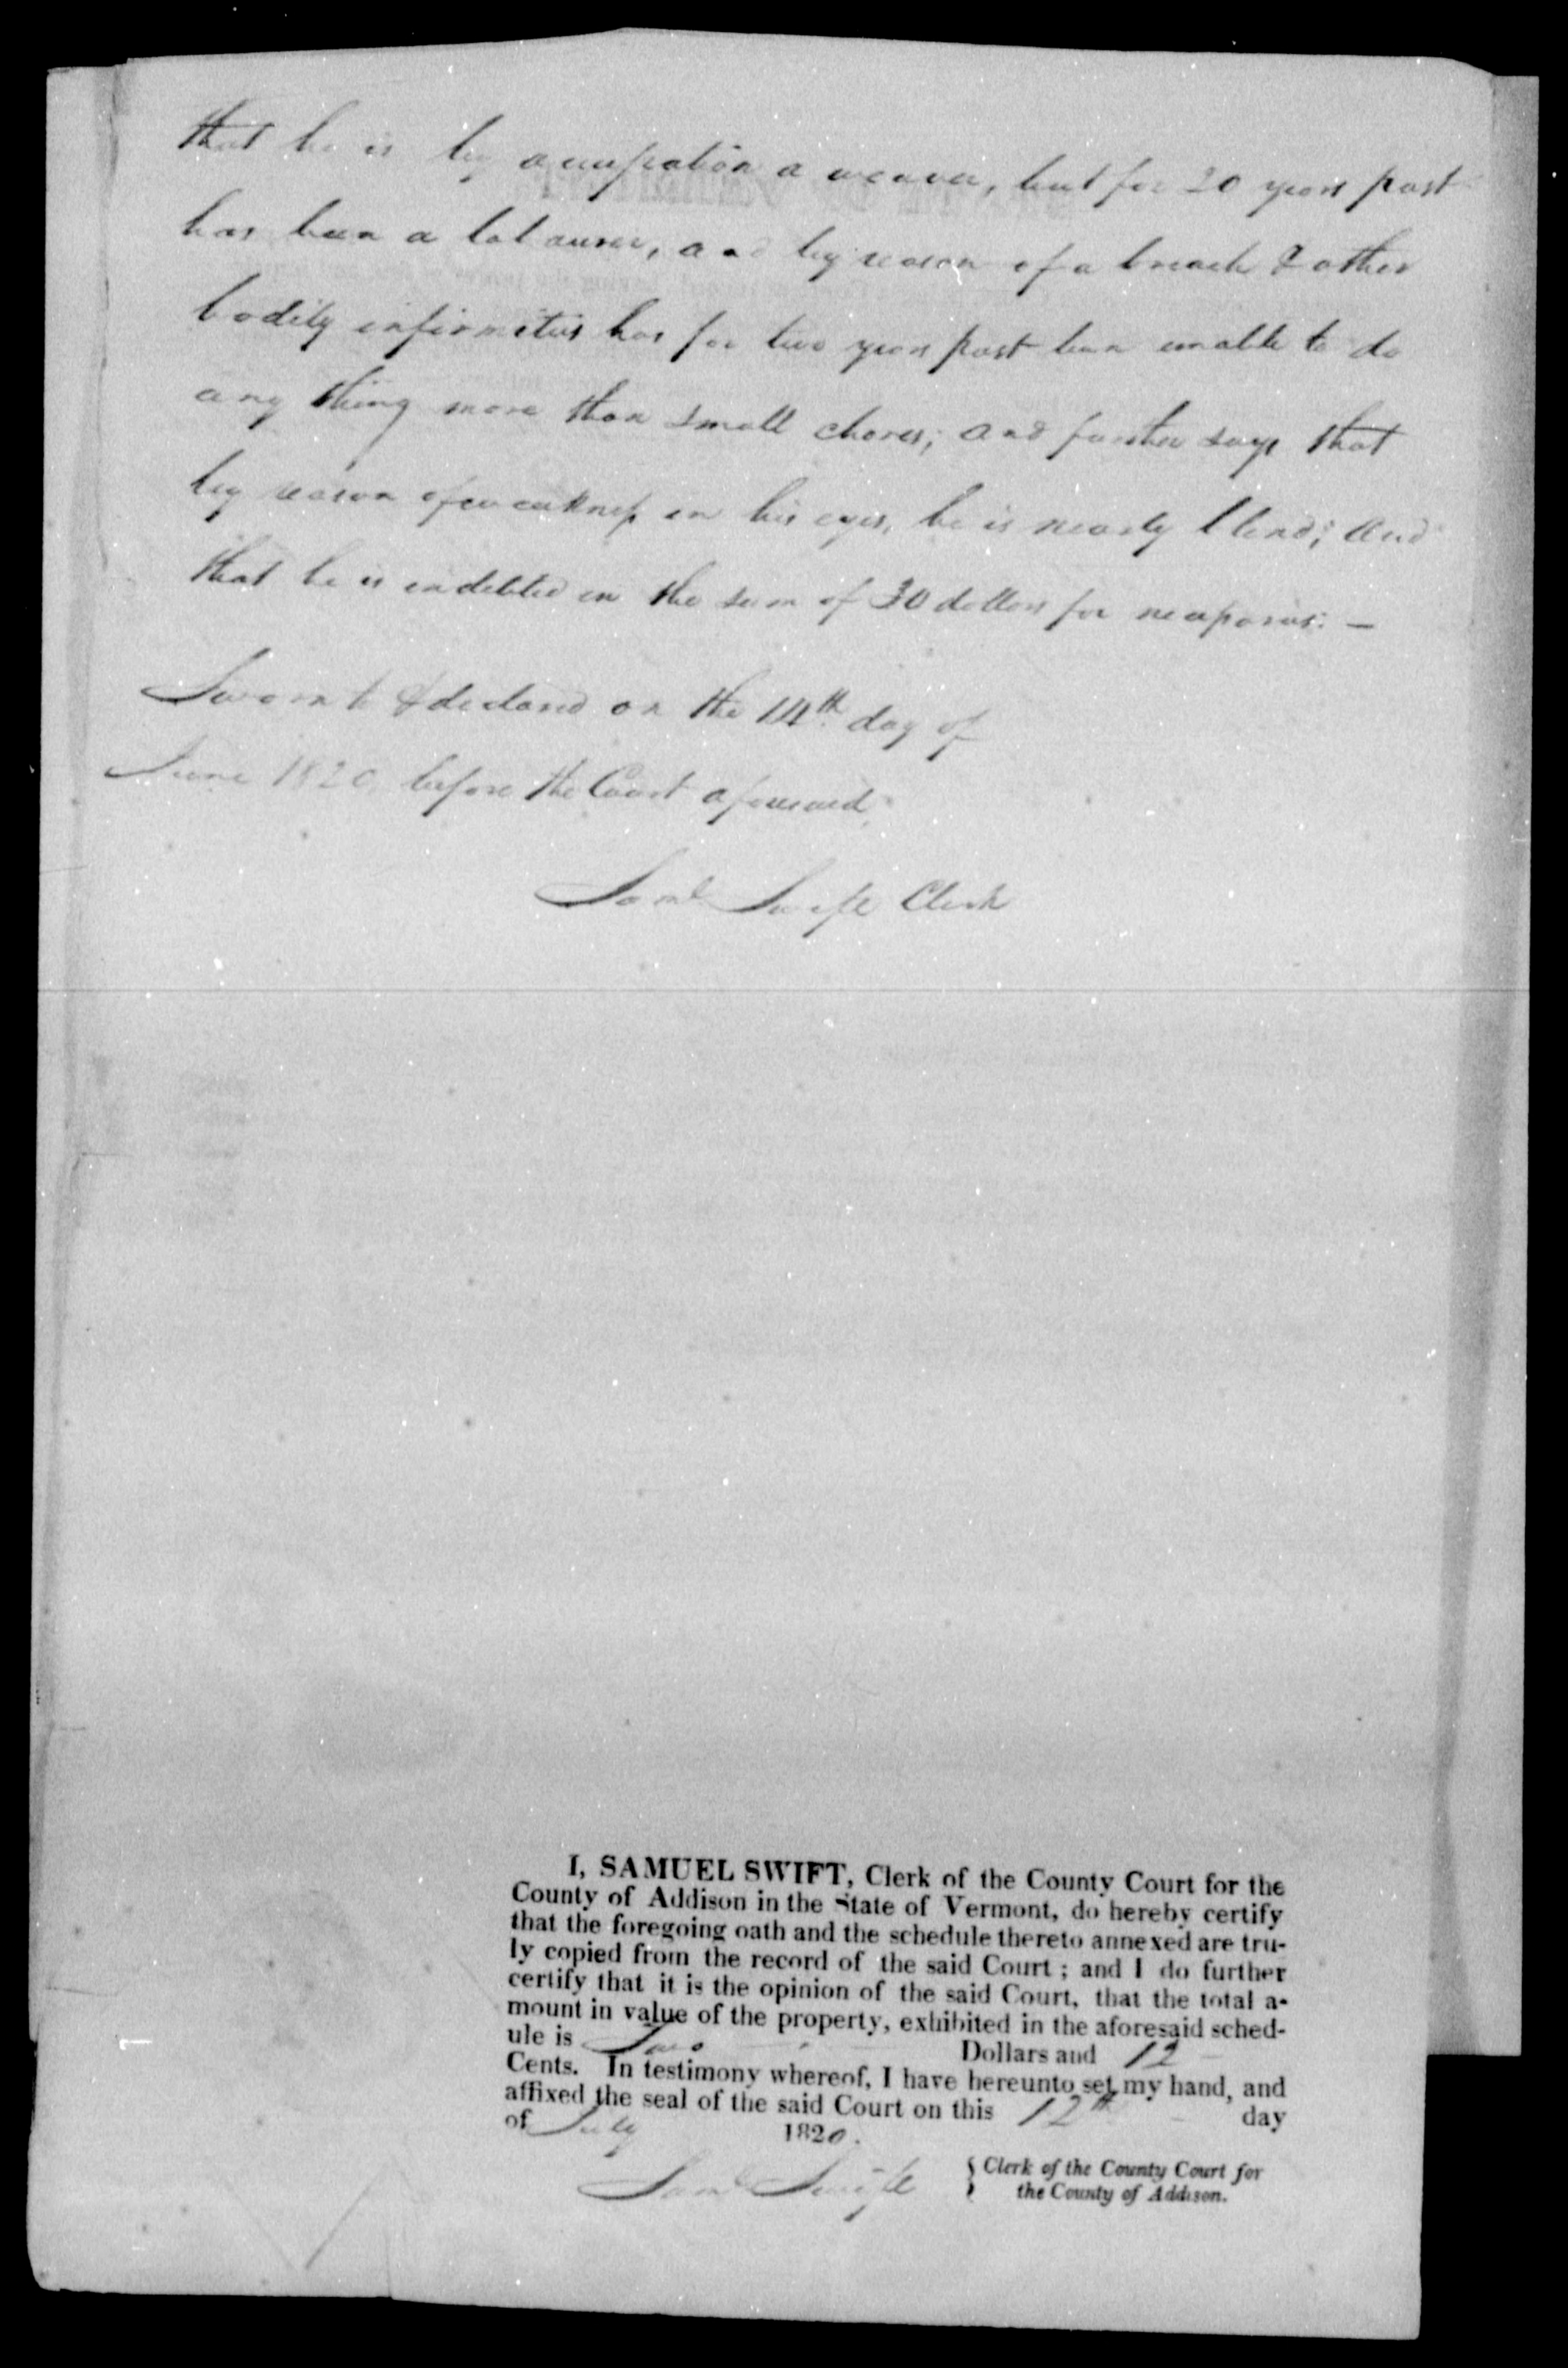that he is by occupation a weaver, but for 20 years past has been a laborer, and by reason of a breach & other bodily infirmities has for two years past been unable to do any thing more than small chores; and further says that by reason of weakness in his eyes, he is now nearly blind; And that he is indebted in the sum of 30 dollars for necessities-

Sworn & declared on the 14th day of  June 1820 before the Court aforesaid
[signture] Saml Swift Clerk

I, SAMUEL SWIFT, Clerk of the County Court for the County of Addison in the State of Vermont, do hereby certify that the foregoing oath and the schedule thereto annexed are truly copied from the record of the said Court; and I do further certify that it is the opinion of the said Court, that the total amount in value of the property, exhibited in the aforesaid schedule is Two Dollars and 12 Cents. In testimony whereof, I have hereunto set my hand, and affixed the seal of the said Court on this 12th day of July 1820. 
[signature] Sam'l Swift } Clerk of the County Court for the County of Addison.

[illegible Court Seal affixed at left]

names: Saml Swift; Saml Swift; Samuel Swift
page: 7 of 12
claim: survivor's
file: S. 41977, for Owen Records, Rhode Island